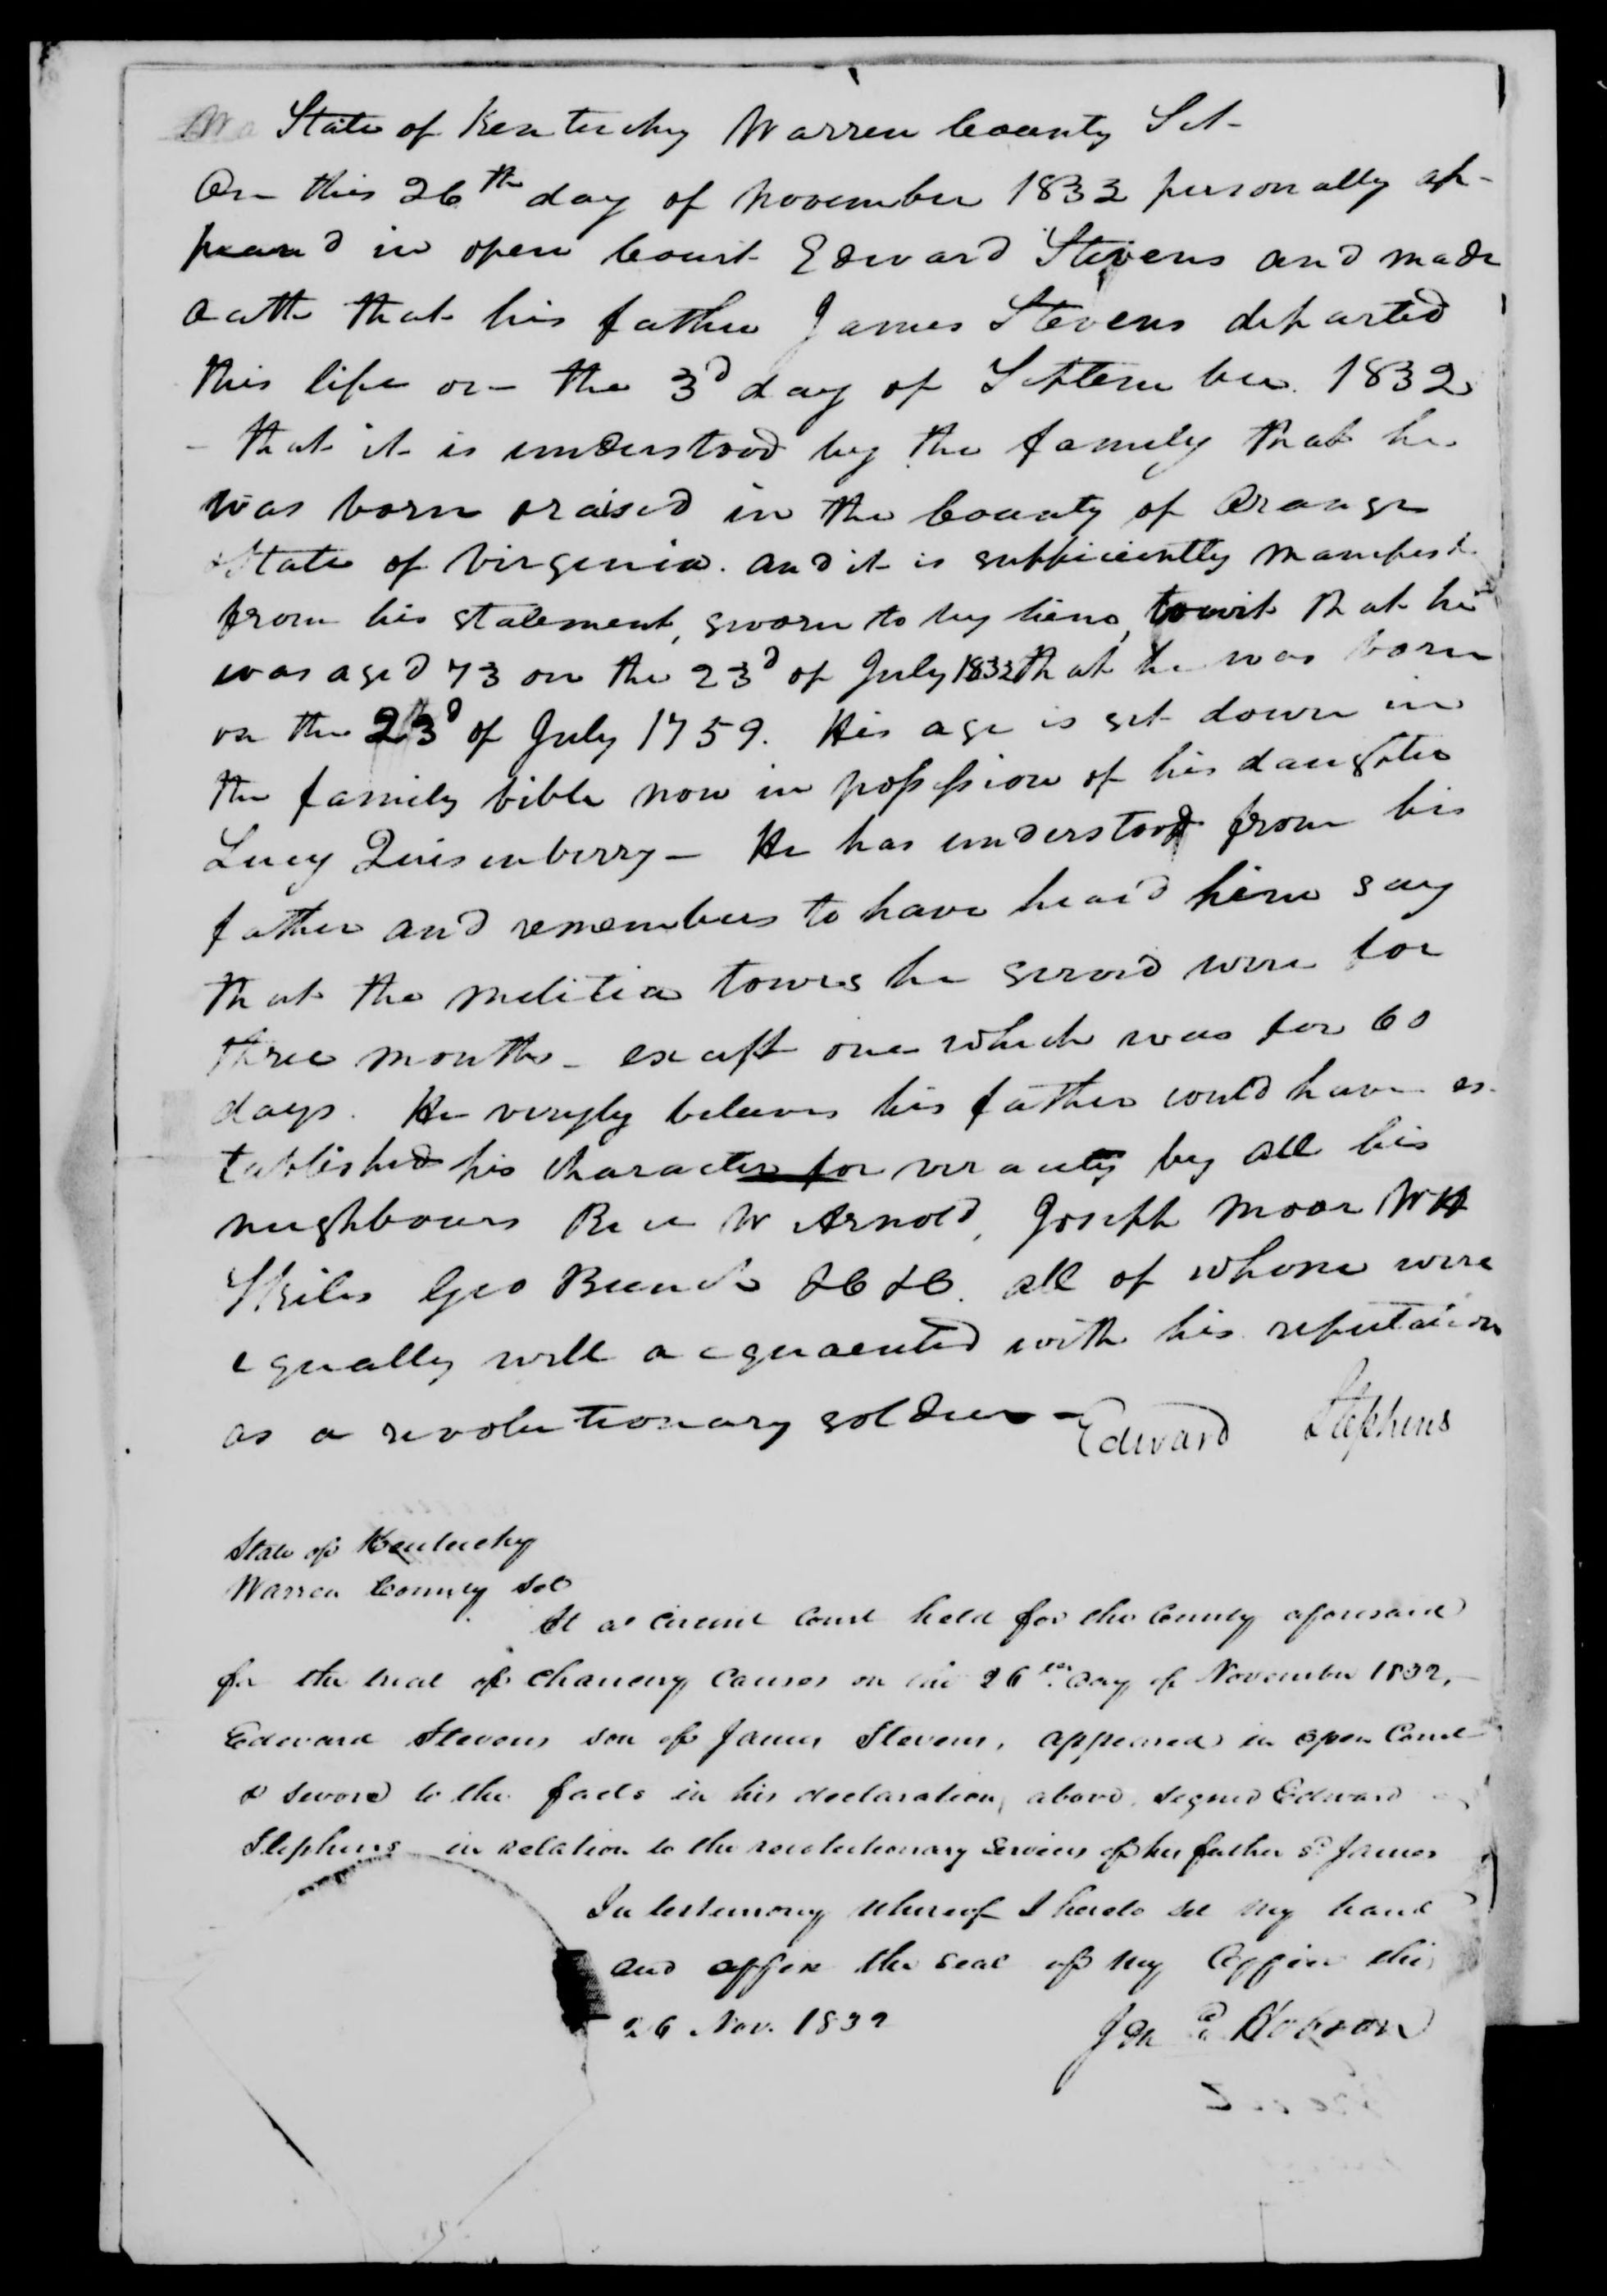Wa State of Kentucky Warren County Sct
On this 26th day of November 1833 personally appeared in open Court Edward Stevens and made oath that his father James Stevens departed this life on the 3d day of September 1832 - that it is understood by the family that he was born & raised in the County of Orange State of Virginia. and it is sufficiently manifest from his statement, sworn to by heirs to wit that he was aged 73 on the 23d of July 1832 that he was born on the 23d of July 1759. His age is set down in the family bible now in possession of his daughter Lucy Quisinberry - He has understood from his father and remembers to have heard him say that the militia tours he served were for three months - except one which was for 60 days. He veryly believes his father could have established his character for veracity by all his neighbours Rev W Arnold, Joseph Moor WH Heiln Geo Bunch JC -B all of whom were equally well acquainted with his reputation as a revolutionary soldier
Edward Stephens

State of Kentucky
Warren County Sct
At a Circuit Court held for the County aforesaid for the trial of Chancery Causes on the 26th day of November 1832 - Edward Stevens son of James Stevens, appeared in open Court & Swore to the facts in his declaration above signed Edward Stephens in relation to the revolutionary services of his father sd James 
In testimony whereof I hereto set my hand and office the seal of my Office this 26 Nov. 1832
Jon E Hobson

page: 80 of 99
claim: widow's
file: W 8766, for James Stevens, Virginia